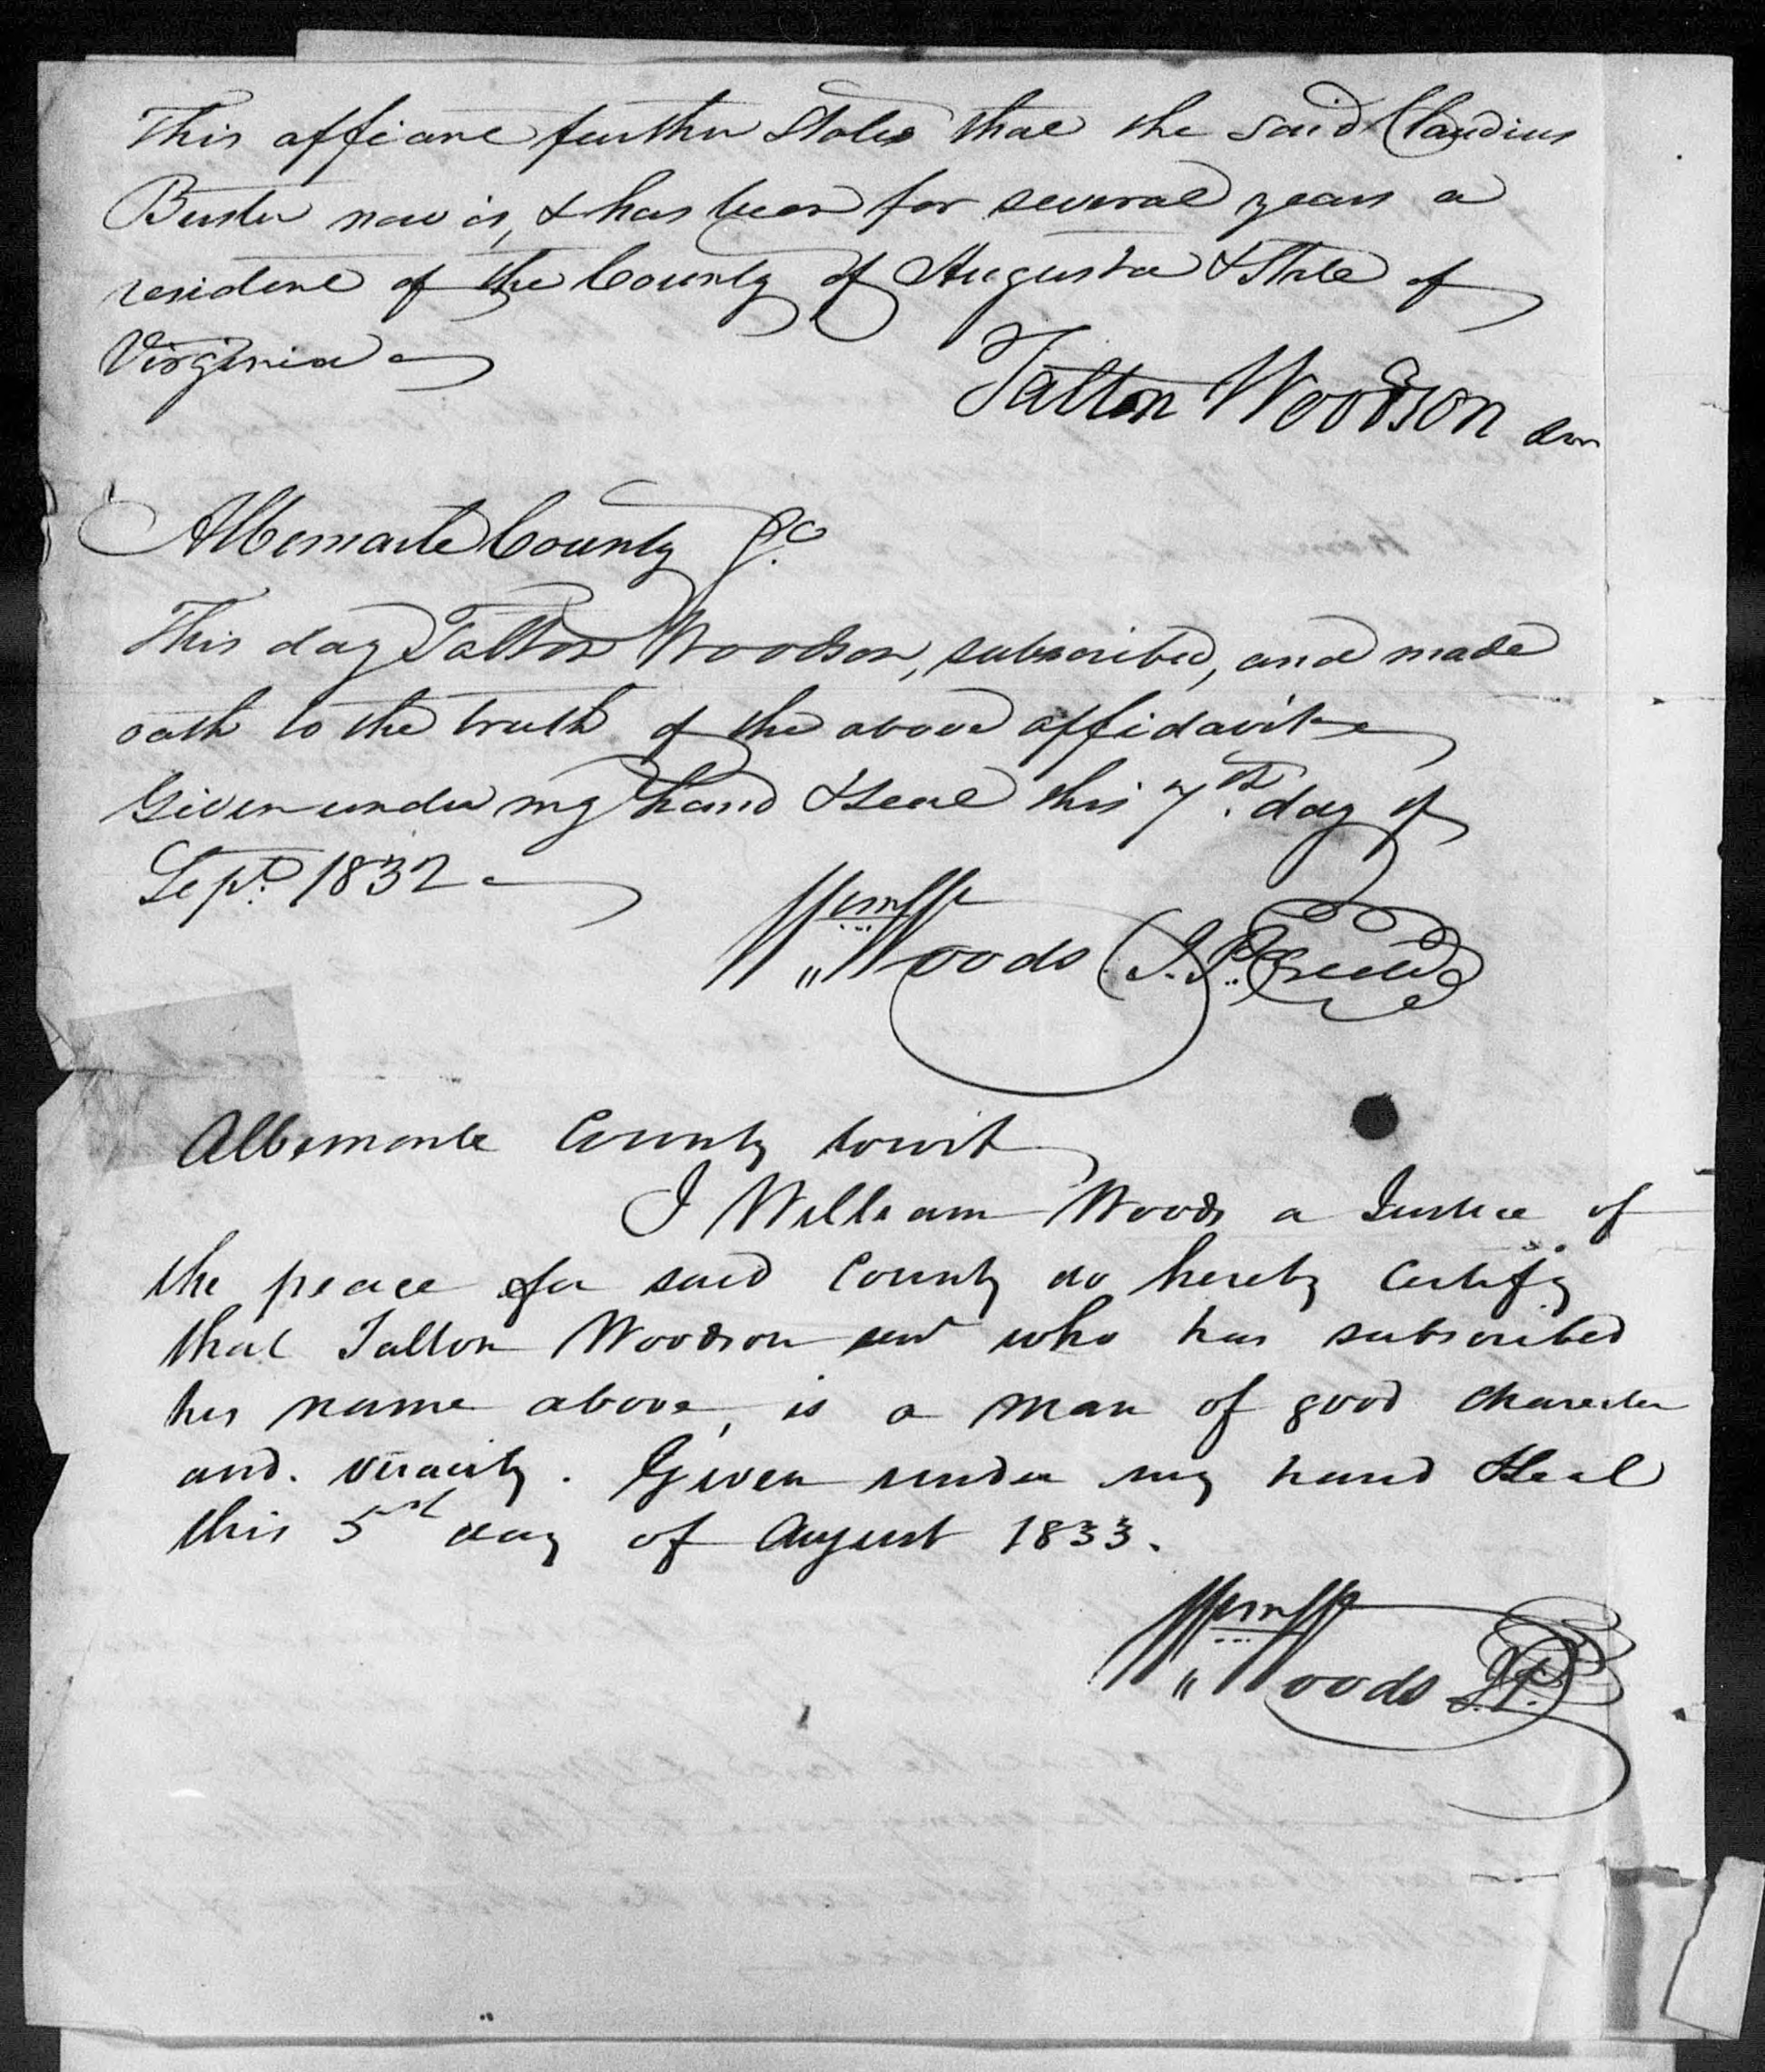This affiant further states that the said Claudius Buster now is, & has been for several years a resident of the county of Augusta & State of Virginia~
Talton Woodson sen

Albemarle County sc
This day Talton Woodson, subscribed, and made oath to the truth of the above affidavit~

Given under my hand & seal this 7th day of Sept 1832~
Wm Woods (J. P)   seal

Albemarle County Court
I william Woods a Justice of the peace for said County do hereby certify that Talton Woodson sen who has subscribed his name above is a man of good character and veracity. Given under my hand & seal this 5th day of August 1853.
Wm Woods J. P.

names: Claudius Buster, Wm Woods, Talton Woodson, Talton Woodson, Talton Woodson, Wm Woods, William Woods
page: 26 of 71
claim: widow's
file: W. 25310, Claudius Buster, Va.